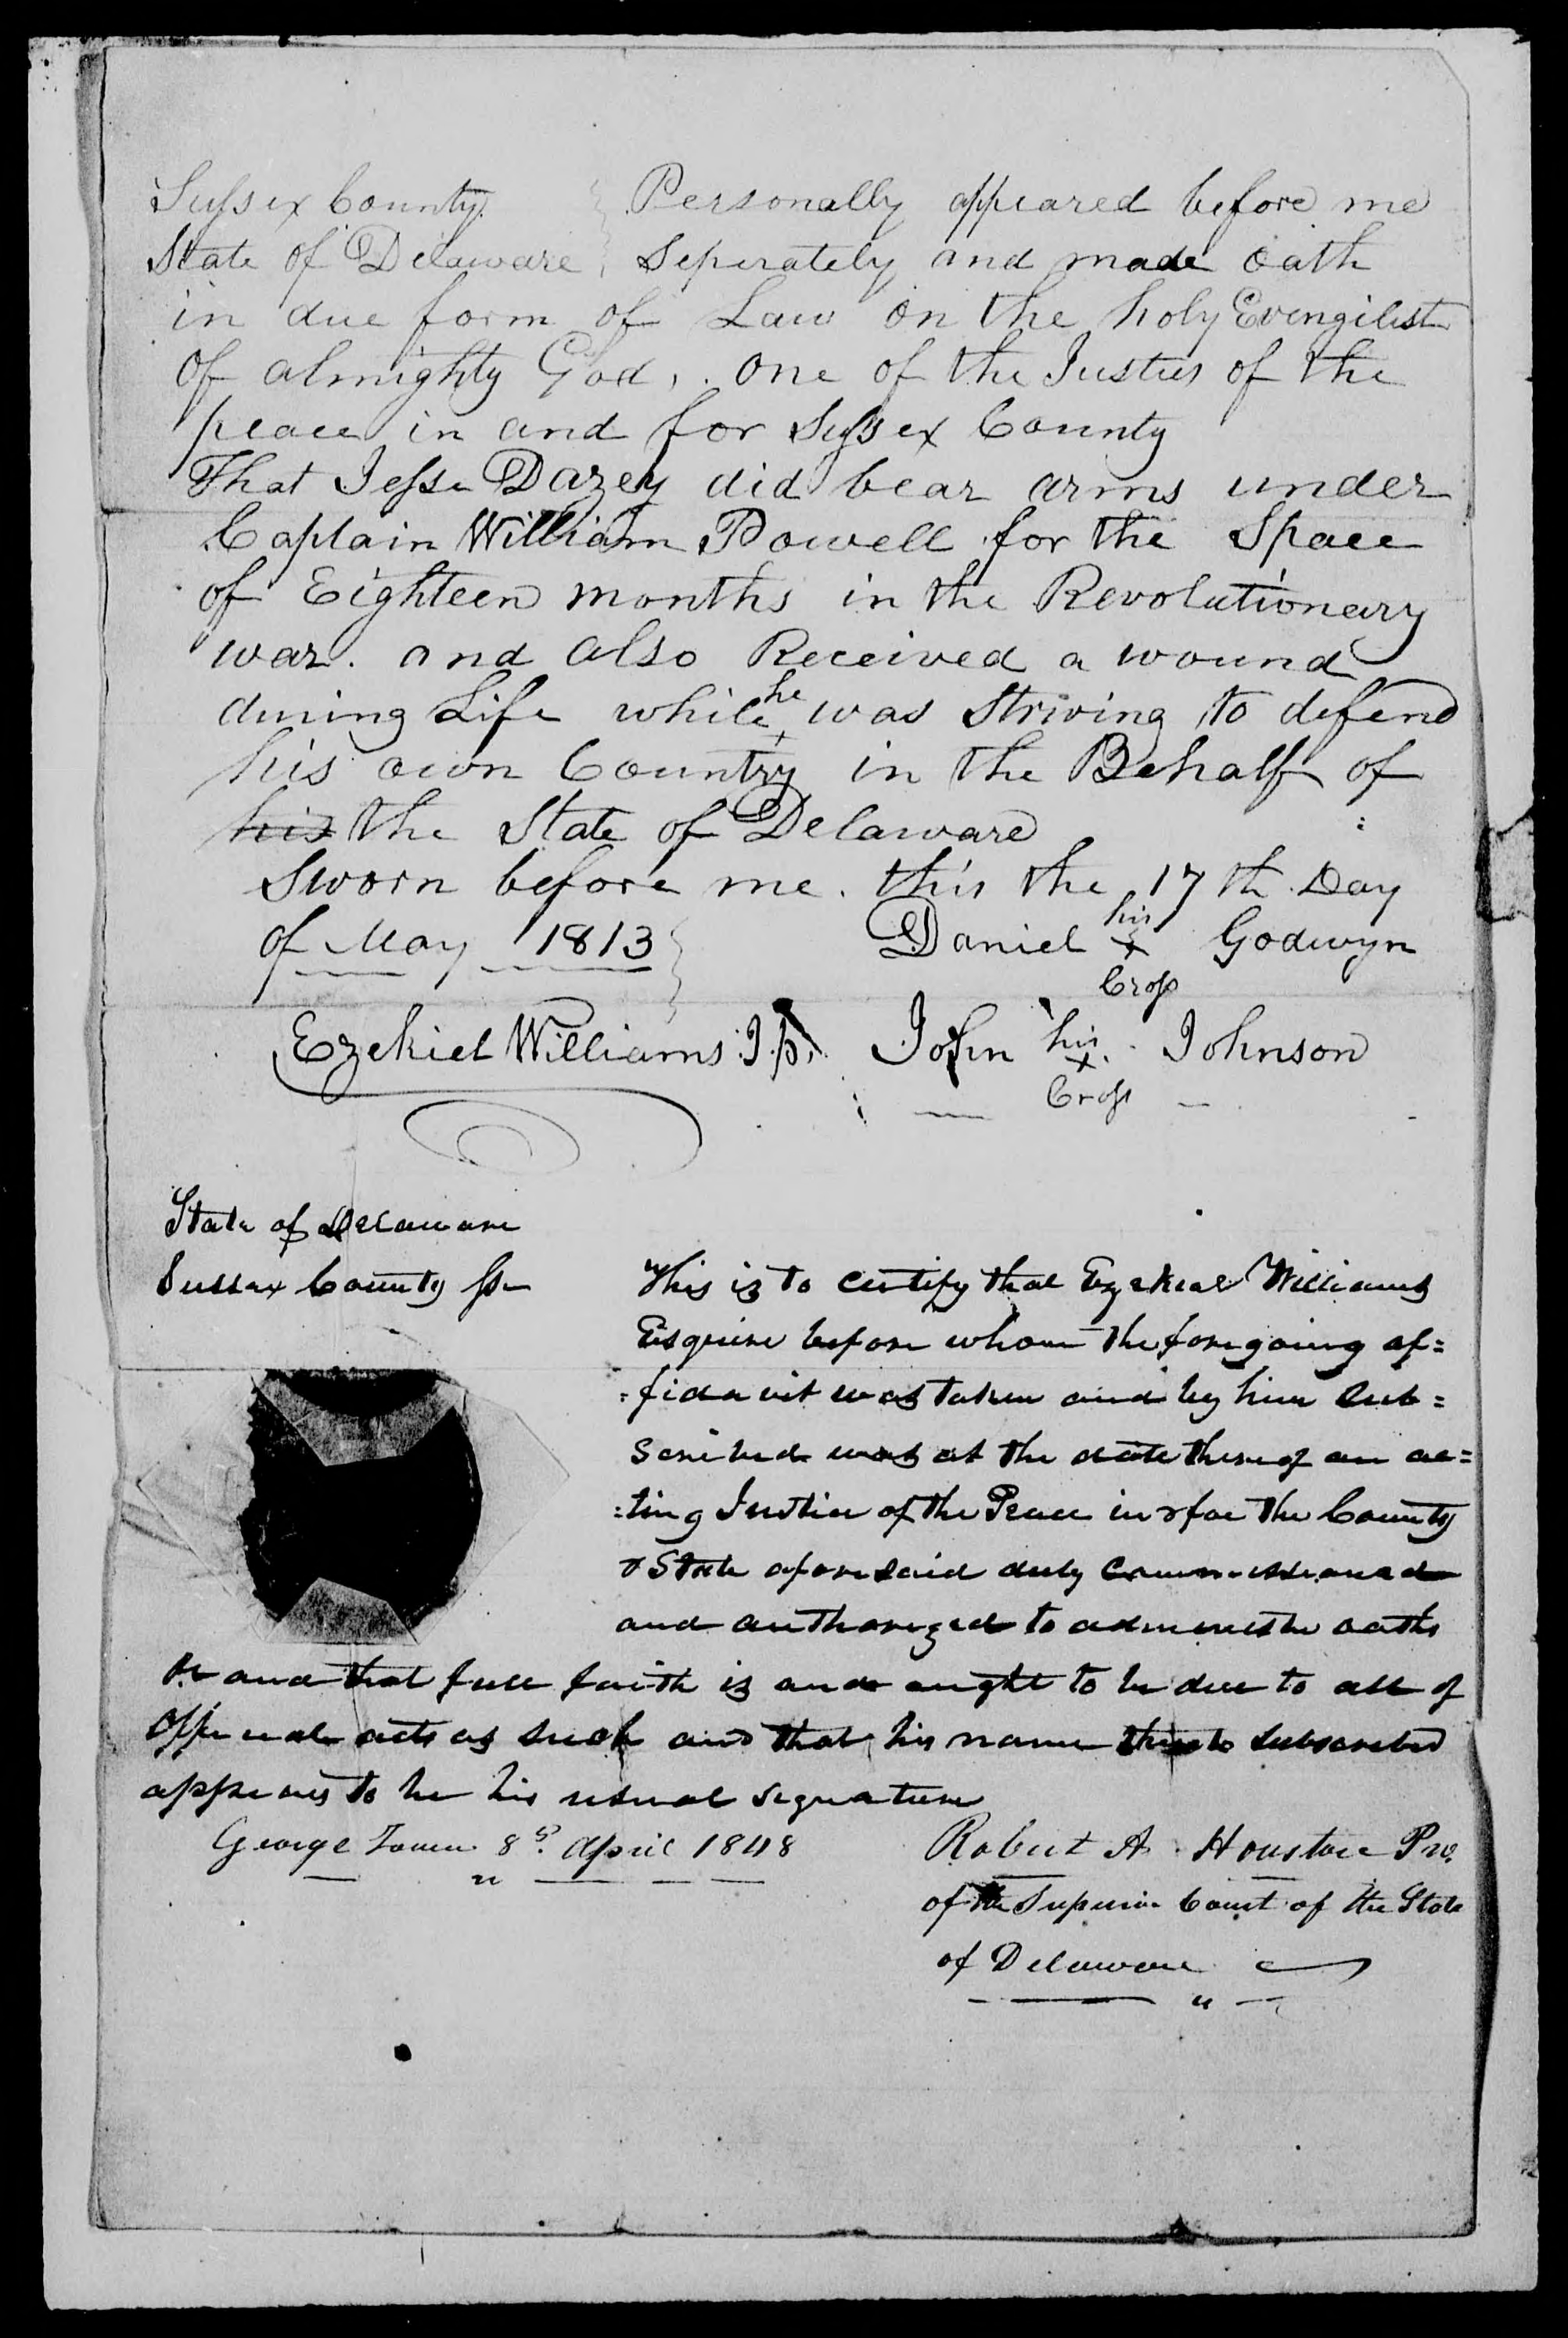Sussex County    Personally appeared before me
State of Delaware separately and made oath in due form of Law on the holy Evangelist of almighty God, one of the Justices of the peace in and for Sussex County That Jesse Dazey did bear arms under Captain William Powell for the space of Eighteen months in the Revolutionary War, and also received a wound during life while he was striving to defend his own country in the Behalf of the State of Delaware
Sworn before me this the 17th Day of May 1813  
                                             his
                                 Daniel X Godwyn
                                            cross
Ezekiel Williams JP                  his
                                    John X Johnson
                                          cross    
  
State of Delaware
Sussex County              This is to certify that Ezekial Williams Esquire before whom the 
foregoing affidavit was taken and by him subscribed was at the date thereof an acting Justice of the Peace in & for the County & 
State aforesaid duly commissioned      and authorized to administer oaths and that full faith is and ought to be due to all official acts as such and that his name thereto subscribed appears to be his usual signature.
George Town 8th April 1848    Robert A Houston Pro of the Superior Court of the State of Delaware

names: Jesse Dazey, Robert A Houston, William Powell, Daniel Godwyn, Ezekiel Williams, Ezekiel Williams, John Johnson, George Louen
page: 14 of 32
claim: rejected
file: R. 2795, Jesse Dazey, Del.